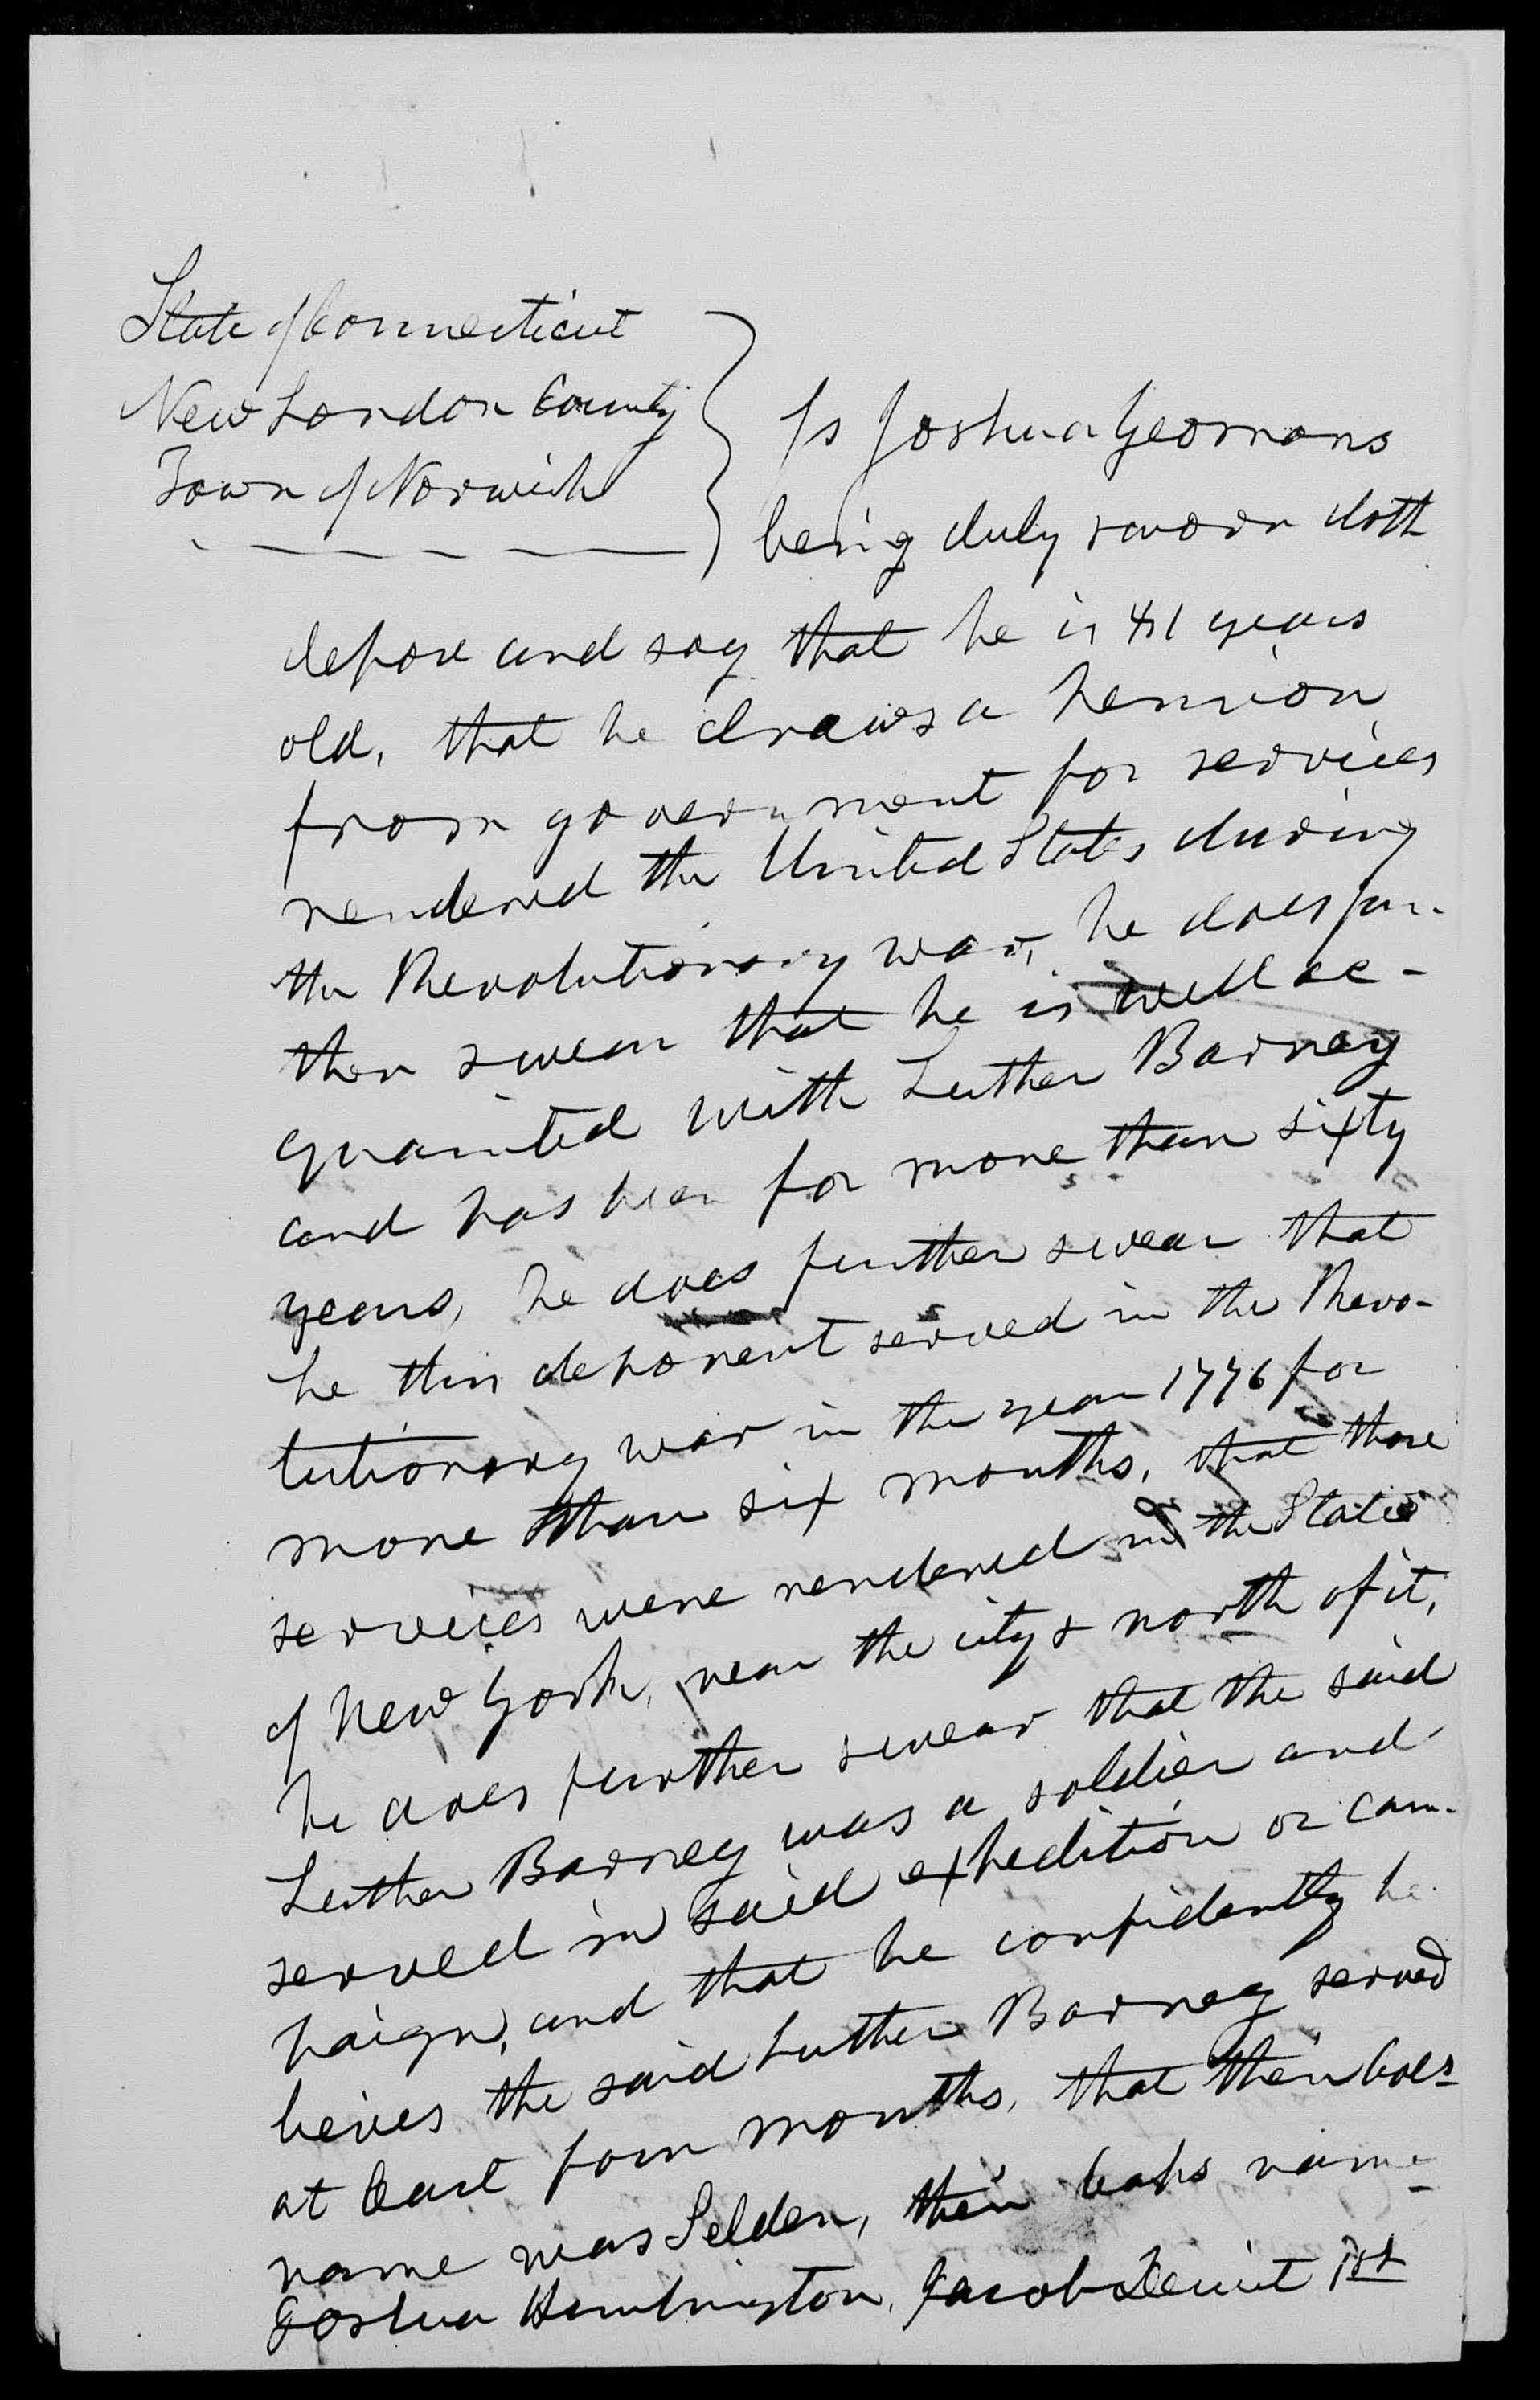State of Connecticut
New London County
Town of Norwich
-
ss Joshua Yeomans being duly sworn doth depose and say that he is 81 years old, that he draws a pension from government for services rendered the United States during the Revolutionary war, he does further swear that he is well acquainted with Luther Barney and has been for more than sixty years, he does further swear that he this deponent served in the the
Revolutionary war in the year 1776 for more than six months, that those services were rendered in the State of New York near the city & north of it, He does further swear that the said Lether Barney was a soldier and served in said expedition or campaign and that he confidently believes the said Luther Barney served at least four months, that their Cols name was Selden, their Caps name Joshua Huntington, Jacob Dewit 1st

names: Luther Barney, Jacob Dewit, Joshua Yeomans, Luther Barney, Luther Barney, Selden, Joshua Huntington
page: 35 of 61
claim: widow's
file: W. 4.124, Luther Barney, Conn. Privateer.